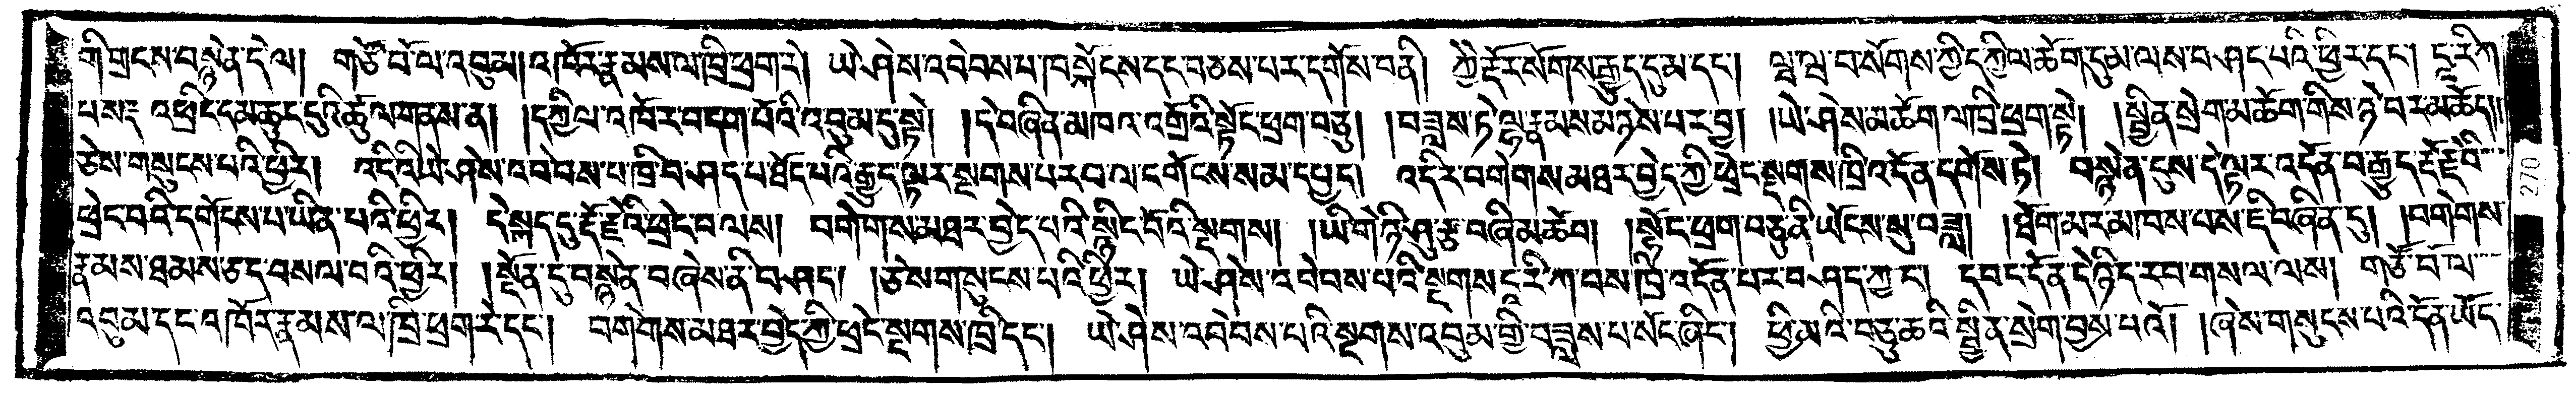གི་གྲངས་བསྙེན་དེ་ལ། གཙོ་བོ་ལ་འབུམ། འཁོར་རྣམས་ལ་ཁྲི་ཕྲག་རེ། ཡེ་ཤེས་འབེབས་པ་ཁ་སྐོངས་དང་བཅས་པར་དགོས་བ་ནི། ཀྱཻ་རྡོར་སོགས་རྒྱུད་དུ་མ་དང་། ཝ་ཝ་བ་སོགས་ཀྱི་དཀྱིལ་ཆོག་དུ་མ་ལས་བཤད་པའི་ཕྱིར་དང་། དཱ་རིཀ་
པས༑ འཕྲིང་དམ་ཆུང་ངུའི་ཚུལ་གནས་ན། །དཀྱིལ་འཁོར་བདག་པོའི་འབུམ་དུ་སྟེ། །དེ་བཞིན་མཁའ་འགྲོའི་སྟོང་ཕྲག་བཅུ། །བཟླས་ཏེ་ལྷ་རྣམས་མཉེས་པར་བྱ། །ཡེ་ཤེས་མཆོག་ལ་ཁྲི་ཕྲག་སྟེ། །སྦྱིན་སྲེག་མཆོག་གིས་ཉེ་བར་མཆོད།།
ཅེས་གསུངས་པའི་ཕྱིར། འདིའི་ཡེ་ཤེས་འབེབས་པ་ཁྲི་བཤད་པ་ཐོད་པའི་རྒྱུད་ལྟར་སྔགས་པ་རབ་ལ་དགོངས་སམ་དཔྱད། འདིར་བགེགས་མཐར་བྱེད་ཀྱི་ཕྲེང་སྔགས་ཁྲི་འདོན་དགོས་ཏེ། བསྙེན་དུས་དེ་ལྟར་འདོན་བརྒྱུད་རྡོ་རྗེའི་
ཕྲེང་བའི་དགོངས་པ་ཡིན་པའི་ཕྱིར། དེ་སྐད་དུ་རྡོ་རྗེའི་ཕྲེང་བ་ལས། བགེགས་མཐར་བྱེད་པའི་སྙིང་པོའི་སྔགས། །ཡི་གེ་ཉི་ཤུ་རྩ་བཞི་མཆོག །སྟོང་ཕྲག་བཅུ་ནི་ཡོངས་སུ་བཟླ། །ཐོག་མར་མཁས་པས་ཇི་བཞིན་དུ། །བགེགས་
རྣམས་ཐམས་ཅད་བསལ་བའི་ཕྱིར། །སྔོན་དུ་བསྙེན་བཞེས་ནི་བཤད། །ཅེས་གསུངས་པའི་ཕྱིར། ཡེ་ཤེས་འབེབས་པའི་སྔགས་དཱ་རི་ཀ་བས་ཁྲི་འདོན་པར་བཤད་ཀྱང་། དབང་དོན་དེ་ཉིད་རབ་གསལ་ལས། གཙོ་བོ་ལ་
འབུམ་དང་འཁོར་རྣམས་ལ་ཁྲི་ཕྲག་རེ་དང་། བགེགས་མཐར་བྱེད་ཀྱི་ཕྲེང་སྔགས་ཁྲི་དང་། ཡེ་ཤེས་འབེབས་པའི་སྔགས་འབུམ་གྱི་བཟླས་པ་སོང་ཞིང་། ཕྱི་མའི་བཅུ་ཆའི་སྦྱིན་སྲེག་བྱས་པའོ། །ཞེས་གསུངས་པའི་དོན་ཡོད་